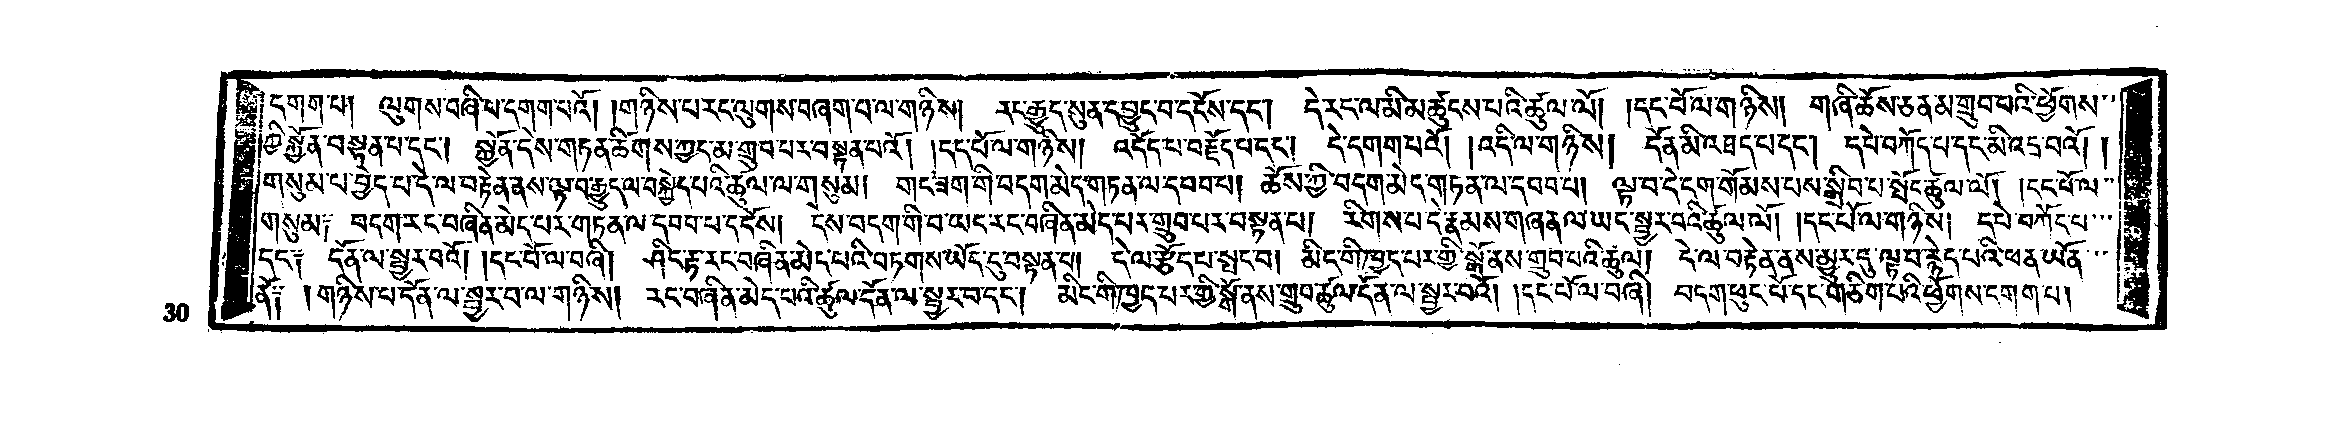དགག་པ། ལུགས་བཞི་པ་དགག་པའོ། །གཉིས་པ་རང་ལུགས་བཞག་པ་ལ་གཉིས། རང་རྒྱུད་སུན་དབྱུང་བ་དངོས་དང་། དེ་རང་ལ་མི་མཚུངས་པའི་ཚུལ་ལོ། །དང་པོ་ལ་གཉིས། གཞི་ཆོས་ཅན་མ་གྲུབ་པའི་ཕྱོགས་
ཀྱི་སྐྱོན་བསྟན་པ་དང་། སྐྱོན་དེས་གཏན་ཚིགས་ཀྱང་མ་གྲུབ་པར་བསྟན་པའོ། །དང་པོ་ལ་གཉིས། འདོད་པ་བརྗོད་པ་དང་། དེ་དགག་པའོ། །འདི་ལ་གཉིས། དོན་མི་འཐད་པ་དང་། དཔེ་བཀོད་པ་དང་མི་འདྲ་བའོ། །
གསུམ་པ་བྱེད་པ་དེ་ལ་བརྟེན་ནས་ལྟ་བ་རྒྱུད་ལ་བསྐྱེད་པའི་ཚུལ་ལ་གསུམ། གང་ཟག་གི་བདག་མེད་གཏན་ལ་དབབ་པ། ཆོས་ཀྱི་བདག་མེད་གཏན་ལ་དབབ་པ། ལྟ་བ་དེ་དག་གོམས་པས་སྒྲིབ་པ་སྤོང་ཚུལ་ལོ། །དང་པོ་ལ་
གསུམ༑ བདག་རང་བཞིན་མེད་པར་གཏན་ལ་དབབ་པ་དངོས། དེས་བདག་གི་བ་ཡང་རང་བཞིན་མེད་པར་གྲུབ་པར་བསྟན་པ། རིགས་པ་དེ་རྣམས་གཞན་ལ་ཡང་སྦྱར་བའི་ཚུལ་ལོ། །དང་པོ་ལ་གཉིས། དཔེ་བཀོད་པ་
དང༑ དོན་ལ་སྦྱར་བའོ། །དང་པོ་ལ་བཞི། ཤིང་རྟ་རང་བཞིན་མེད་པའི་བཏགས་ཡོད་དུ་བསྟན་པ། དེ་ལ་རྩོད་པ་སྤང་བ། མིང་གི་ཁྱད་པར་གྱི་སྒོ་ནས་གྲུབ་པའི་ཚུལ། དེ་ལ་བརྟེན་ནས་མྱུར་དུ་ལྟ་བ་རྙེད་པའི་ཕན་ཡོན་
ནོ༑ །གཉིས་པ་དོན་ལ་སྦྱར་བ་ལ་གཉིས། རང་བཞིན་མེད་པའི་ཚུལ་དོན་ལ་སྦྱར་བ་དང་། མིང་གི་ཁྱད་པར་གྱི་སྒོ་ནས་གྲུབ་ཚུལ་དོན་ལ་སྦྱར་བའོ། །དང་པོ་ལ་བཞི། བདག་ཕུང་པོ་དང་གཅིག་པའི་ཕྱོགས་དགག་པ།